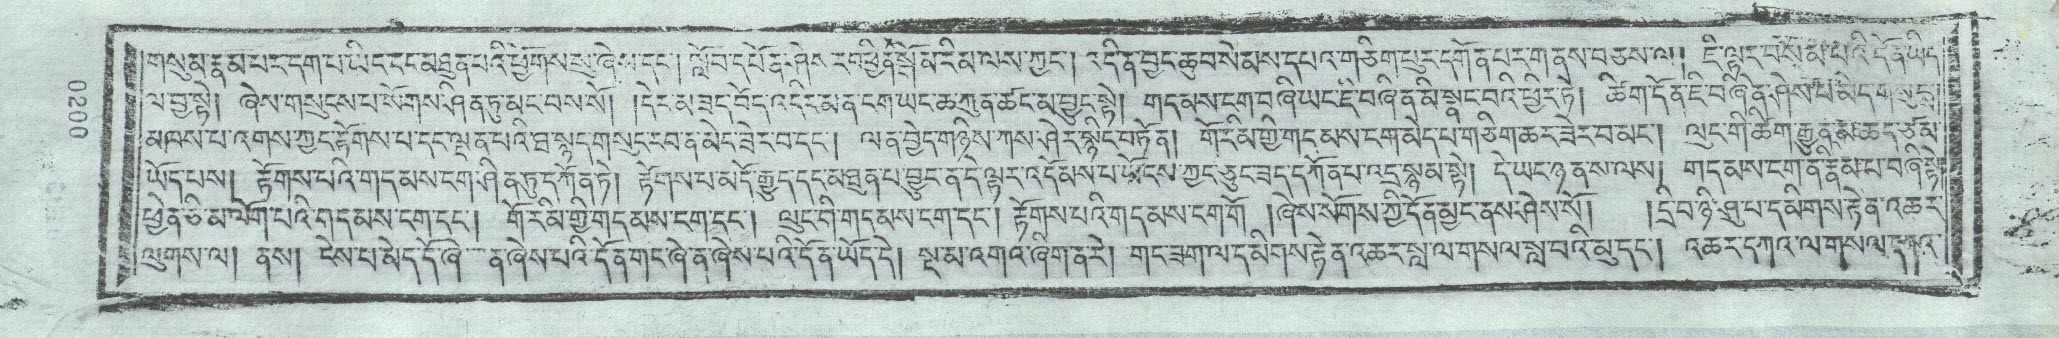གསུམ་རྣམ་པར་དག་པ་ཡིད་དང་མཐུན་པའི་ཕྱོགས་སུ་ཞེས་དང་། སློབ་དཔོན་ཤེས་རབ་ཕྱིན་སྒོམ་རིམ་ལས་ཀྱང་། འདི་ན་བྱང་ཆུབ་སེམས་དཔའ་གཅིག་པུར་དགོན་པར་གནས་བཅས་ལ། ཇི་ལྟར་བསམ་པའི་དོན་ཡིད་
ལ་བྱ་སྟེ། ཞེས་གསུངས་པ་སོགས་ཤིན་ཏུ་མང་བས་སོ། །དེར་མ་ཟད་བོད་འདིར་མན་ངག་ཡང་ཆ་ཀུན་ཚང་མ་བྱུང་སྟེ། གདམས་ངག་བཞི་ཡང་ཇི་བཞིན་མི་སྣང་བའི་ཕྱིར་ཏེ། ཚིག་དོན་ཇི་བཞིན་ཤེས་པ་མེད་གསུངས།
མཁས་པ་དགས་ཀྱང་རྟོགས་པ་དང་ལྡན་པའི་ཐ་སྙད་གསུང་རབ་ན་མེད་ཟེར་བ་དང་། ལན་བྱེད་གཉིས་ཀས་ཤེར་སྙིང་བཏོན། གོ་རིམ་གྱི་གདམས་ངག་མེད་པ་གཅིག་ཆར་ཟེར་བ་མང་། ལུང་གི་ཚིག་རྒྱུན་མ་ཆད་ཙམ་
ཡོད་པས། རྟོགས་པའི་གདམས་ངག་ཤིན་ཏུ་དཀོན་ཏེ། རྟོགས་པ་མདོ་རྒྱུད་དང་མཐུན་པ་བྱུང་ན་དེ་ལྟར་འདོམས་པ་ཡོངས་ཀྱང་ཅུང་ཟད་དཀོན་པ་འདྲ་སྙམ་སྟེ། དེ་ཡང་ཉན་ས་ལས། གདམས་ངག་ནི་རྣམ་པ་བཞི་སྟེ།
ཕྱིན་ཅི་མ་ལོག་པའི་གདམས་ངག་དང་། གོ་རིམ་གྱི་གདམས་ངག་དང་། ལུང་གི་གདམས་ངག་དང་། རྟོགས་པའི་གདམས་ངག་གོ །ཞེས་སོགས་ཀྱི་དོན་མྱང་ནས་ཤེས་སོ། །དྲི་བ་ཉི་ཤུ་པ་དམིགས་རྟེན་འཆར་
ལུགས་ལ། ནས། ངེས་པ་མེད་དོ་ཞེན་ཞེས་པའི་དོན་གང་ཞེ་ན་ཞེས་པའི་དོན་ཡོད་དེ། སྔ་མ་འགའ་ཞིག་ན་རེ། གང་ཟག་ལ་དམིགས་རྟེན་འཆར་སླ་ལ་གསལ་སླ་བའི་མུ་དང་། འཆར་དཀའ་ལ་གསལ་དཀའ་